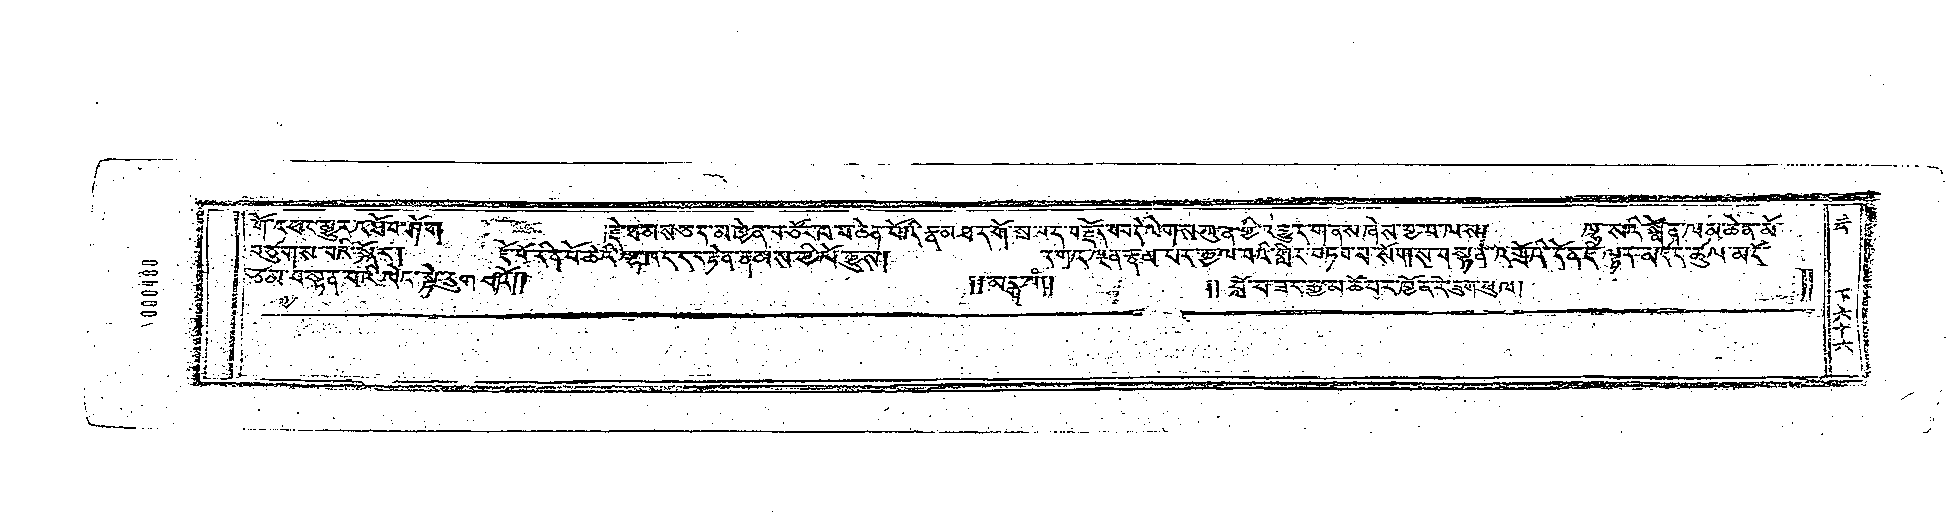གོ་འཕང་མྱུར་འཐོབ་ཤོག །རྗེ་ཐམས་ཅད་མཁྱེན་པ་ཙོང་ཁ་བ་ཆེན་པོའི་རྣམ་ཐར་གོ་སླ་བར་བརྗོད་པ་བདེ་ལེགས་ཀུན་གྱི་འབྱུང་གནས་ཞེས་བྱ་བ་ལས། ལྷ་སའི་སྨོན་ལམ་ཆེན་མོ་
བཙུགས་པའི་སྐོར། ཇོ་བོ་རིན་པོ་ཆེའི་ལྷ་ཁང་དང་རྟེན་རྣམས་ཀྱི་ལོ་རྒྱུས། དགའ་ལྡན་རྣམ་པར་རྒྱལ་བའི་གླིང་བཏབ་པ་སོགས་བསྟན་འགྲོའི་དོན་ཇི་ལྟར་མཛད་ཚུལ་མདོ་
ཙམ་བསྟན་པའི་ལེའུ་སྟེ་དྲུག་བའོ།། །།མངྒ་ལཾ།། །།